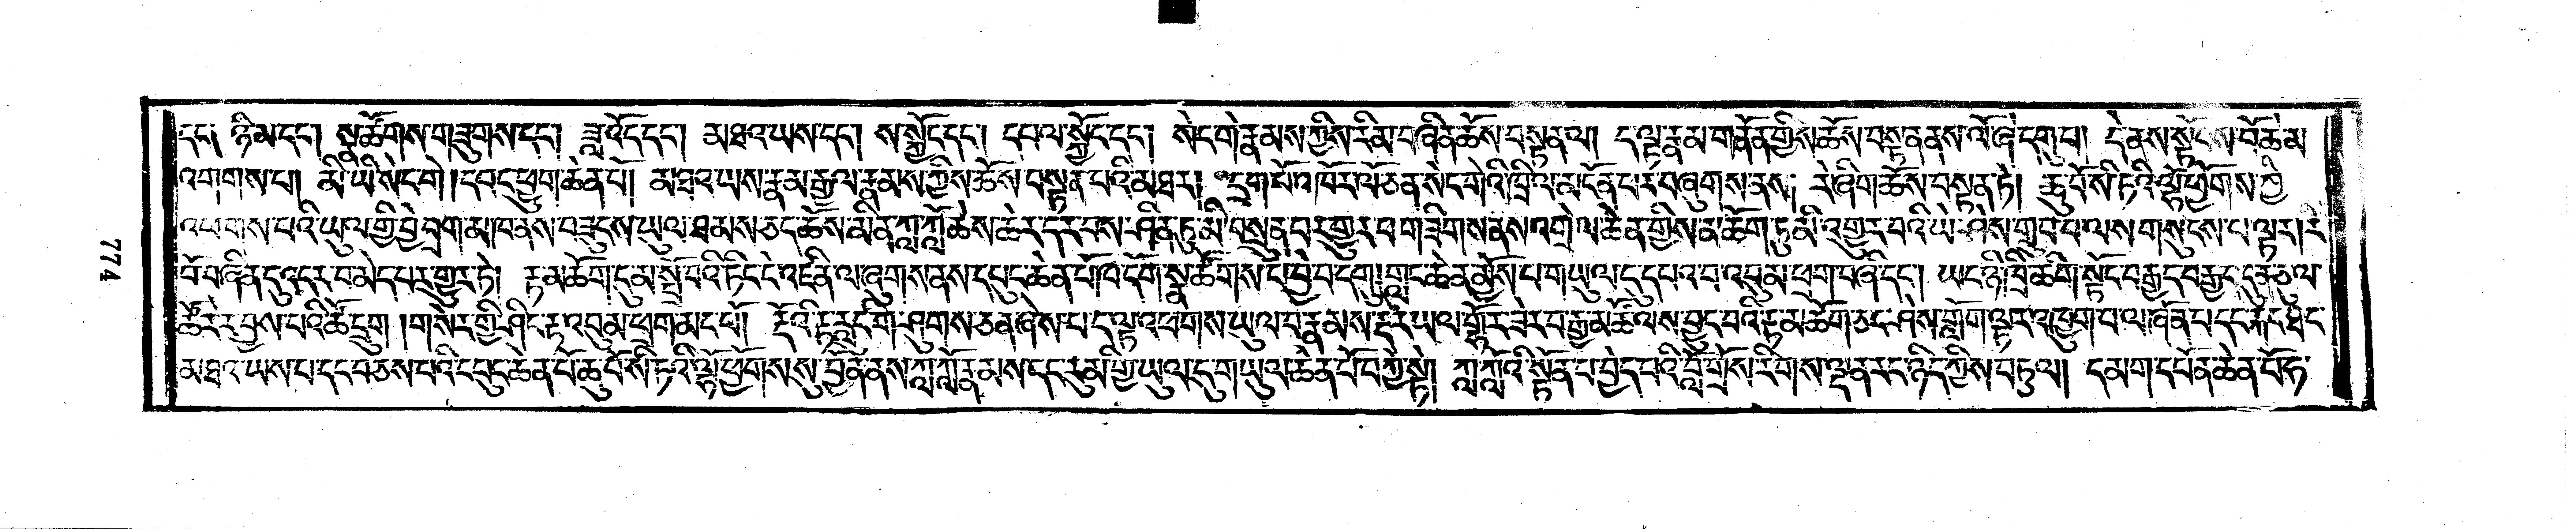དང་། ཉི་མ་དང་། སྣ་ཚོགས་གཟུགས་དང་། ཟླ་འོད་དང་། མཐའ་ཡས་དང་། ས་སྐྱོང་དང་། དཔལ་སྐྱོད་དང་། སེང་གེ་རྣམས་ཀྱིས་རིམ་བཞིན་ཆོས་བསྟན་ལ། ད་ལྟ་རྣམ་གནོན་གྱིས་ཆོས་བསྟན་ནས་ལོ་ཞེ་དགུ་པ། དེ་ནས་སྟོབས་པོ་ཆེ་མ་
འགགས་པ། མི་ཡི་སེང་གེ། དབང་ཕྱུག་ཆེན་པོ། མཐའ་ཡས་རྣམས་རྒྱལ་རྣམས་ཀྱིས་ཆོས་བསྟན་པའི་མཐར། དྲག་པོ་འཁོར་ལོ་ཅན་སེང་གེའི་ཁྲི་ལ་མངོན་པར་བཞུགས་ནས། རེ་ཞིག་ཆོས་བསྟན་ཏེ། ཆུ་བོ་སི་ཏའི་ལྷོ་ཕྱོགས་ཀྱི་
འཕགས་པའི་ཡུལ་གྱི་བྱེ་བྲག་མ་ཁ་ནས་བཟུངས་ཡུལ་ཐམས་ཅད་ཆོས་མིན་ཀླ་ཀློ་ཆེས་ཆེར་དར་བས་ཤིན་ཏུ་མི་བསྲུན་བར་གྱུར་བ་གཟིགས་ནས་འགྲེལ་ཆེན་གྱིས་མཆོག་ཏུ་མི་འགྱུར་བའི་ཡེ་ཤེས་གྲུབ་པ་ལས་གསུངས་པ་ལྟར། རི་
བོ་བཞིན་དུ་འདར་བ་མེད་པར་གྱུར་ཏེ། རྟ་མཆོག་དུ་མ་སྤྲོ་བའི་ཏིང་ངེ་འཛིན་ལ་ཞུགས་ནས་དཔུང་ཆེན་པོ་ཁ་དོག་སྣ་ཚོགས་པ་བྱེ་བ་དགུ། གླང་ཆེན་མྱོས་པ་གཡུལ་དུ་དཔའ་བ་འབུམ་ཕྲག་བཞི་དང་། ཡང་ཉི་ཁྲི་ཆིག་སྟོང་བརྒྱད་བརྒྱད་དུན་ཅུ་ལ་
ཚོར་རེ་བྱས་པའི་ཚོ་དྲུག །གསེར་གྱི་ཤིང་རྟ་འབུམ་ཕྲག་མང་པོ། རྡོའི་རྟ་རླུང་གི་ཤུགས་ཅན་ཞེས་པ་ད་ལྟ་འཕགས་ཡུལ་བ་རྣམས་རྡར་ཡལ་གྷོར་ཟེར་བ་རྒྱ་མཚོ་ལས་བྱུང་བའི་རྟ་མཆོག་ཅད་ཤེས་གློག་ལྟར་འཁྱུག་པ་ལ་ཞོན་པ་དང་རྐང་ཐང་
མཐའ་ཡས་པ་དང་བཅས་པའི་དཔུང་ཆེན་པོ་ཆུ་བོ་སི་ཏའི་ལྷོ་ཕྱོགས་སུ་བྱོན་ནས་ཀླ་ཀློ་རྣམས་དང་རུམ་གྱི་ཡུལ་དུ་གཡུལ་ཆེན་པོ་བཀྱེ་སྟེ། ཀླ་ཀློའི་སྟོན་པ་བྱེད་པའི་བློ་གྲོས་རིགས་ལྡན་རང་ཉིད་ཀྱིས་བཏུལ། དམག་དཔོན་ཆེན་པོ་ཧ་